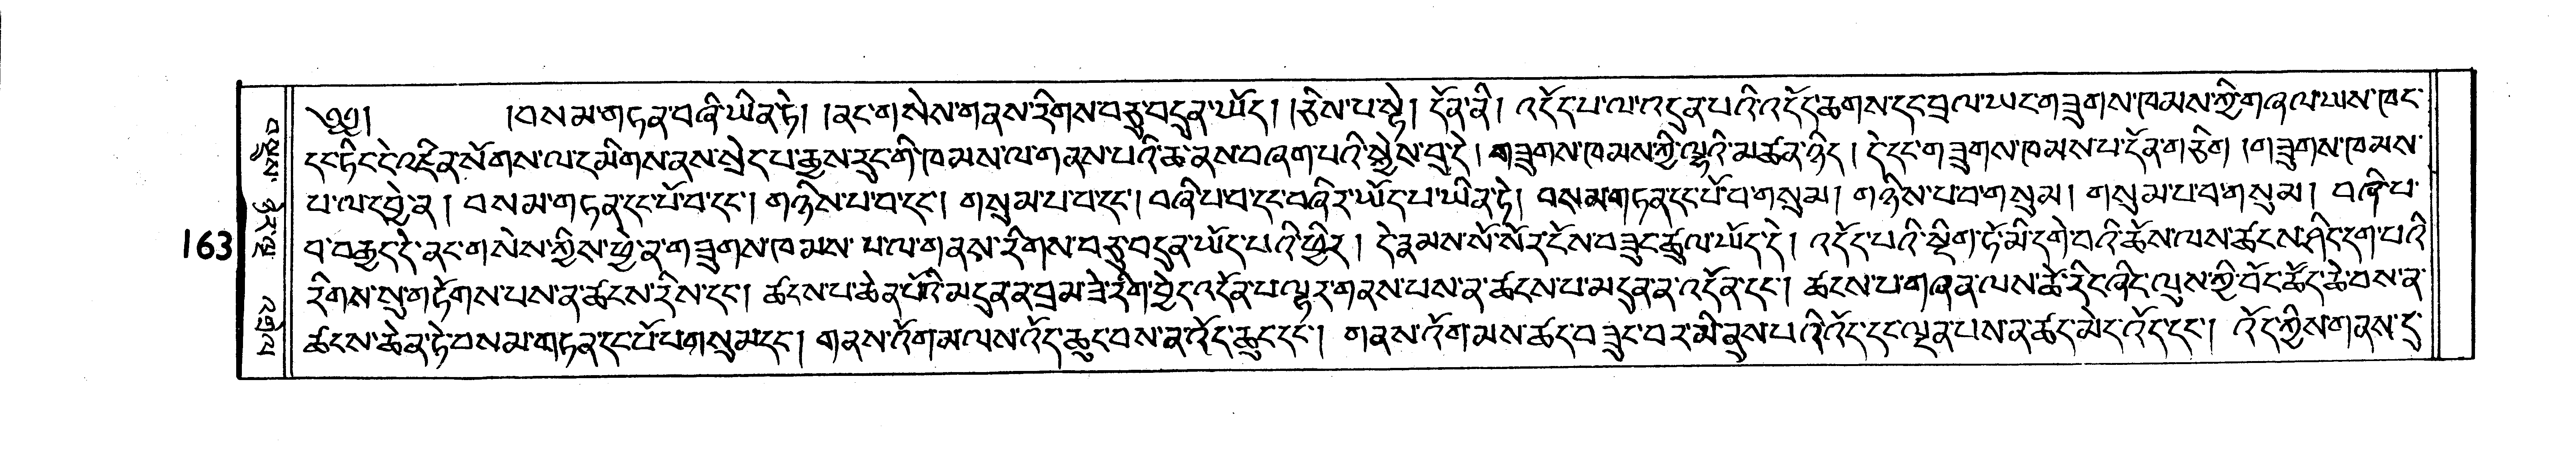༄༅། །བསམ་གཏན་བཞི་ཡིན་ཏེ། །ནང་གསེས་གནས་རིགས་བཅུ་བདུན་ཡོད། །ཅིས་པ་སྟེ། དོན་ནི། འདོད་པ་ལ་འདུན་པའི་འདོད་ཆགས་དང་བྲལ་ཡང་གཟུགས་ཁམས་ཀྱི་གཞལ་ཡས་ཁང་
དང་ཏིང་ངེ་འཛིན་སོགས་ལ་དམིགས་ནས་སྲེད་པ་རྒྱས་རུང་གི་ཁམས་ལ་གནས་པའི་ཆ་ནས་བཞག་པའི་སྐྱེས་བུ་དེ། གཟུགས་ཁམས་ཀྱི་ལྷའི་མཚན་ཉིད། དེ་དང་གཟུགས་ཁམས་པ་དོན་གཅིག །གཟུགས་ཁམས་
པ་ལ་དབྱེ་ན། བསམ་གཏན་དང་པོ་བ་དང་། གཉིས་པ་བ་དང་། གསུམ་པ་བ་དང་། བཞི་པ་བ་དང་བཞིར་ཡོད་པ་ཡིན་ཏེ། བསམ་གཏན་དང་པོ་བ་གསུམ། གཉིས་པ་བ་གསུམ། གསུམ་པ་བ་གསུམ། བཞི་པ་
བ་བརྒྱད་དེ་ནང་གསེས་ཀྱིས་ཕྱེ་ན་གཟུགས་ཁམས་པ་ལ་གནས་རིགས་བཅུ་བདུན་ཡོད་པའི་ཕྱིར། དེ་རྣམས་སོ་སོར་ངོས་བཟུང་ཚུལ་ཡོད་དེ། འདོད་པའི་སྡིག་ཏོ་མི་དགེ་བའི་ཆོས་ལས་ཚངས་ཤིང་དག་པའི་
རིགས་སུ་གཏོགས་པས་ན་ཚངས་རིས་དང་། ཚངས་པ་ཆེན་པོའི་མདུན་ན་བྲམ་ཟེ་རིག་བྱེད་འདོན་པ་ལྟར་གནས་པས་ན་ཚངས་པ་མདུན་ན་འདོན་དང་། ཚངས་པ་གཞན་ལས་ཚེ་རིང་ཞིང་ལུས་ཀྱི་བོང་ཚོད་ཆེ་བས་ན་
ཚངས་ཆེན་ཏེ་བསམ་གཏན་དང་པོ་པ་གསུམ་དང་། གནས་འོག་མ་ལས་འོད་ཆུང་བས་ན་འོད་ཆུང་དང་། གནས་འོག་མས་ཚད་བཟུང་བར་མི་ནུས་པའི་འོད་དང་ལྡན་པས་ན་ཚད་མེད་འོད་དང་འོད་ཀྱིས་གནས་དུ་